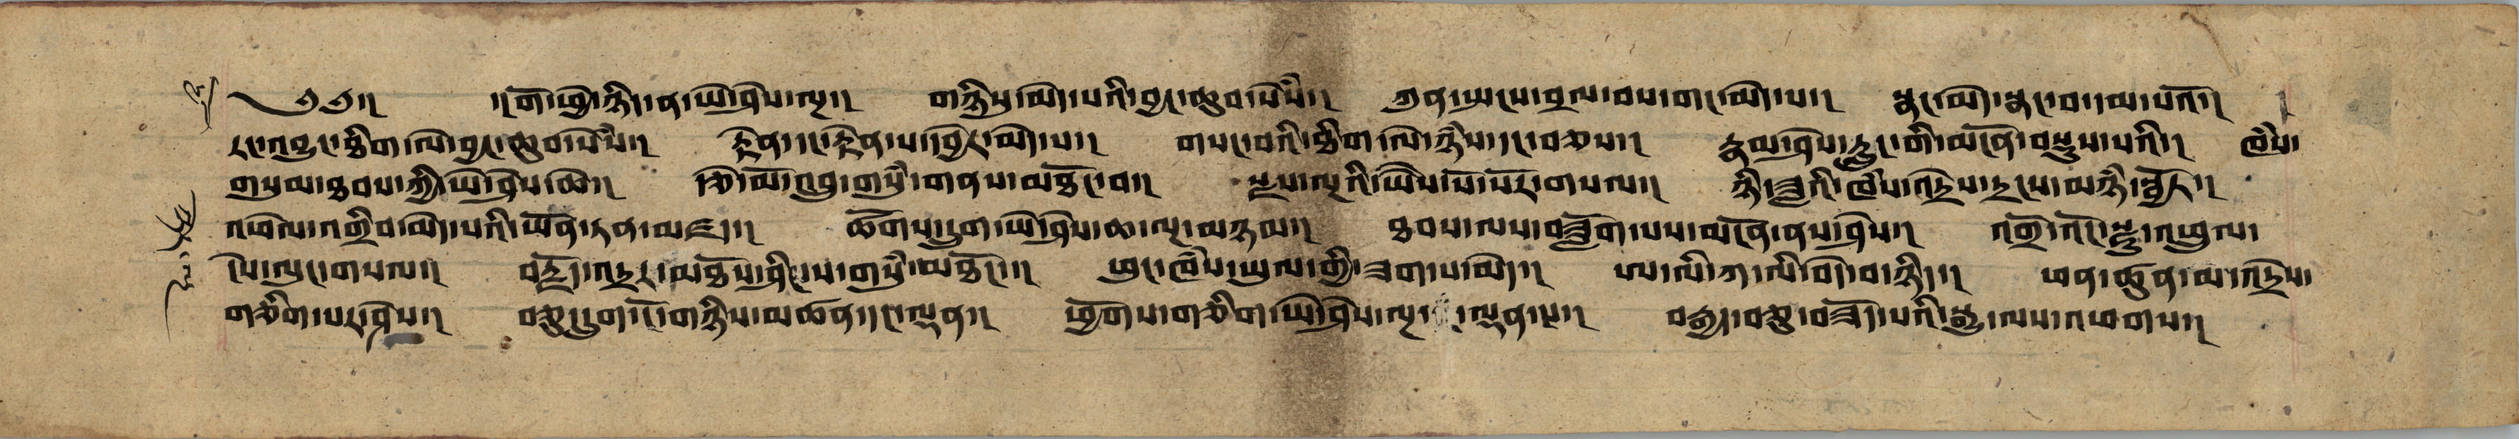༄༅་། ་།གོ་ཕྱེ་ཉིད་ན་ཡེ་ཤེས་ལྔ་། གཉིསུ་མེད་པའི་བྱང་ཆུབ་སེཾས་། ཀུན་སྤངས་བྲལ་བས་གང་མེད་པ་། སྣང་མེད་སྣང་བ་དམ་པའོ་།
རང་འབྱུང་ཐིག་ལེ་བྱང་ཆུབ་སེཾས་། རྟེན་དང་རྟེན་པ་དབྱེར་མེད་པ་། གསང་བའི་ཐིག་ལེ་ཉཾས་དང་བཅས་། རྣམ་ཤེས་རླུང་གི་མངོན་བསྡུས་པའི་། ཁཾས་
གསུམ་ཐབས་ཀྱི་ཡེ་ཤེས་ཆེ་། རྩེ་མོ་འབྲུ་གསུཾ་གནས་མཐོང་བ་། སྫས་ལྔའི་ཡཻས་སོ་སོར་གསལ་། ཉི་ཟླའི་ཁཾས་འདྲེས་དྲངས་མཉཾ་སྦྱོར་།
འཕེལ་འགྲིབ་མེད་པའི་ཡོན་ཏན་མཛད་། ཚོགས་དྲུག་ཡེ་ཤེས་ཆ་ལྔ་མཉམ་། ཐབས་ལས་བཟློག་པས་མོངན་ནས་ཤེས་། འགྲོ་འོང་སྫུ་འཕྲུལ་
ངེས་ལུང་གསལ་། བརྗོད་འདྲར་མཐོས་ཤིང་ས་གསུཾ་མཐོང་་། ཕུང་ཁཾས་ཡུལ་གྱི་ཟག་པ་མེད་། ཨ་ལི་ཀ་ལི་བདེ་བ་ཉིད་། ཕན་ཚུན་མ་འདྲེས་
གཅིག་པར་ཤེས་། བཅུ་དྲུག་ངོ་གཉིས་མཚན་དང་ལྡན་། ཕྱོགས་གཅིག་ཡེ་ཤེས་ལྔ་ལྡན་པ་། བརྒྱད་བཅུ་བཟོད་པའི་སྒྱུ་ལས་འཕགས་།